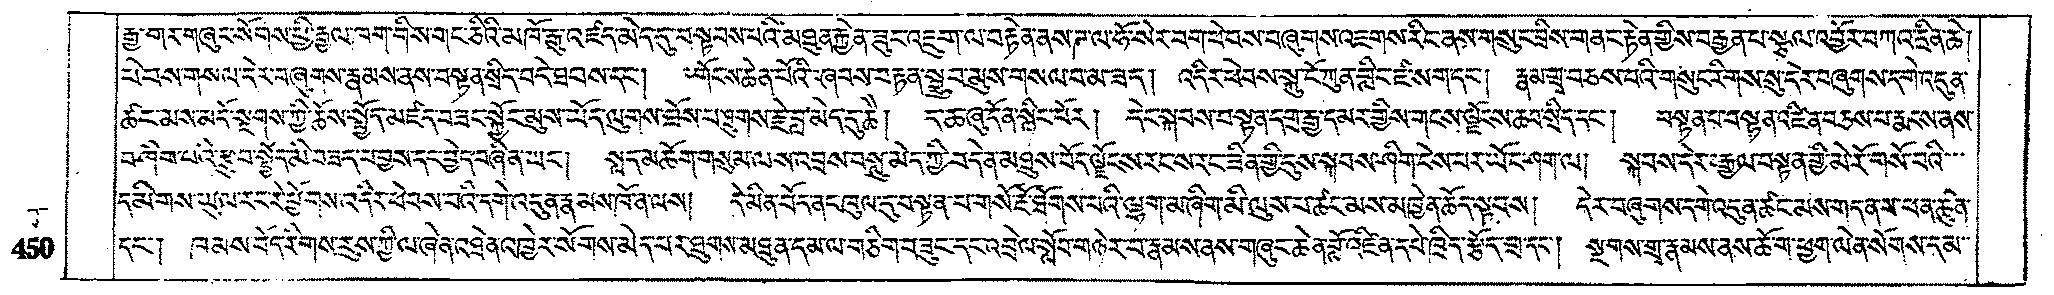རྒྱ་གར་གཞུང་སོགས་ཕྱི་རྒྱལ་ཁག་གིས་གང་ཅིའི་མཁོ་རྒུ་འཛད་མེད་དུ་བསྟབས་པའི་མཐུན་རྐྱེན་ཟུང་འཇུག་ལ་བརྟེན་ནས་ཌ་ལ་ཧོ་སེར་བག་ཕེབས་བཞུགས་འཇགས་རིང་ནས་གསུང་བྲིས་གནང་རྟེན་གྱིས་བརྒྱན་པ་སྩལ་འབྱོར་བཀའ་དྲིན་ཆེ།
ཕེབས་གསལ་དེར་བཞུགས་རྣམས་ནས་བསྟན་སྲིད་བདེ་ཐབས་དང་། ༧གོང་ས་ཆེན་པོའི ༧ཞབས་བརྟན་སྒྲུབ་མུས་གསལ་བ་མ་ཟད། འདིར་ཕེབས་སྐུ་ངོ་ཀུན་གླིང་ཛ་ས་ག་དང་། རྣམ་གྲྭ་བཅས་པའི་གསུང་རིགས་སུ་དེར་བཞུགས་དགེ་འདུན་
ཚང་མས་མདོ་སྔགས་ཀྱི་ཆོས་སྤྱོད་མཛད་བཟང་སྐྱོང་མུས་ཡོད་ལུགས་ཐོས་པ་ཐུགས་རྗེ་བླ་མེད་དུ་ཆཻ། ད་ཆ་ཞུ་དོན་སྙིང་པོར། དེང་སྐབས་བསྟན་དགྲ་རྒྱ་དམར་གྱིས་གངས་ལྗོངས་ཆབ་སྲིད་དང་། བསྟན་པ་བསྟན་འཛིན་བཅས་པ་རྨངས་ནས་
བཤིག་པའི་རྩུབ་སྤྱོད་མི་བཟད་པ་བྱས་དང་བྱེད་བཞིན་ཡང་། སླད་མཆོག་གསུམ་ལས་འབྲས་བསླུ་མེད་ཀྱི་བདེན་མཐུས་བོད་ལྗོངས་རང་ས་རང་ཟིན་གྱི་དུས་སྐབས་ཤིག་ངེས་པར་ཡོང་ཤག་ལ། སྐབས་དེར ༧རྒྱལ་བསྟན་གྱི་མེ་རོ་གསོ་བའི་་་
དམིགས་ཡུལ་རང་རེ་ཕྱོགས་འདིར་ཕེབས་པའི་དགེ་འདུན་རྣམས་ཁོ་ན་ལས། དེ་མིན་བོད་ནང་ཁུལ་དུ་བསྟན་པ་གསོ་རྔོ་ཐོགས་པའི་ལྷག་མ་ཞིག་མི་ལུས་པ་ཚང་མས་མཁྱེན་ཆོས་སྟབས། དེར་བཞུགས་དགེ་འདུན་ཚང་མས་གདན་ས་ཕན་ཚུན་
དང་། ཁམས་བོད་རིགས་རུས་ཀྱི་ལ་ཞེན་འཐེན་འཁྱེར་སོགས་མེད་པར་ཐུགས་མཐུན་དམ་ལ་གཅིག་བཟུང་དང་འབྲེལ་སློབ་གཉེར་བ་རྣམས་ནས་གཞུང་ཆེན་བློ་འཛིན་དཔེ་ཁྲིད་རྩོད་གྲ་དང་། སྔགས་གྲྭ་རྣམས་ནས་ཆོ་ག་ཕྱག་ལེན་སོགས་དམ་་་